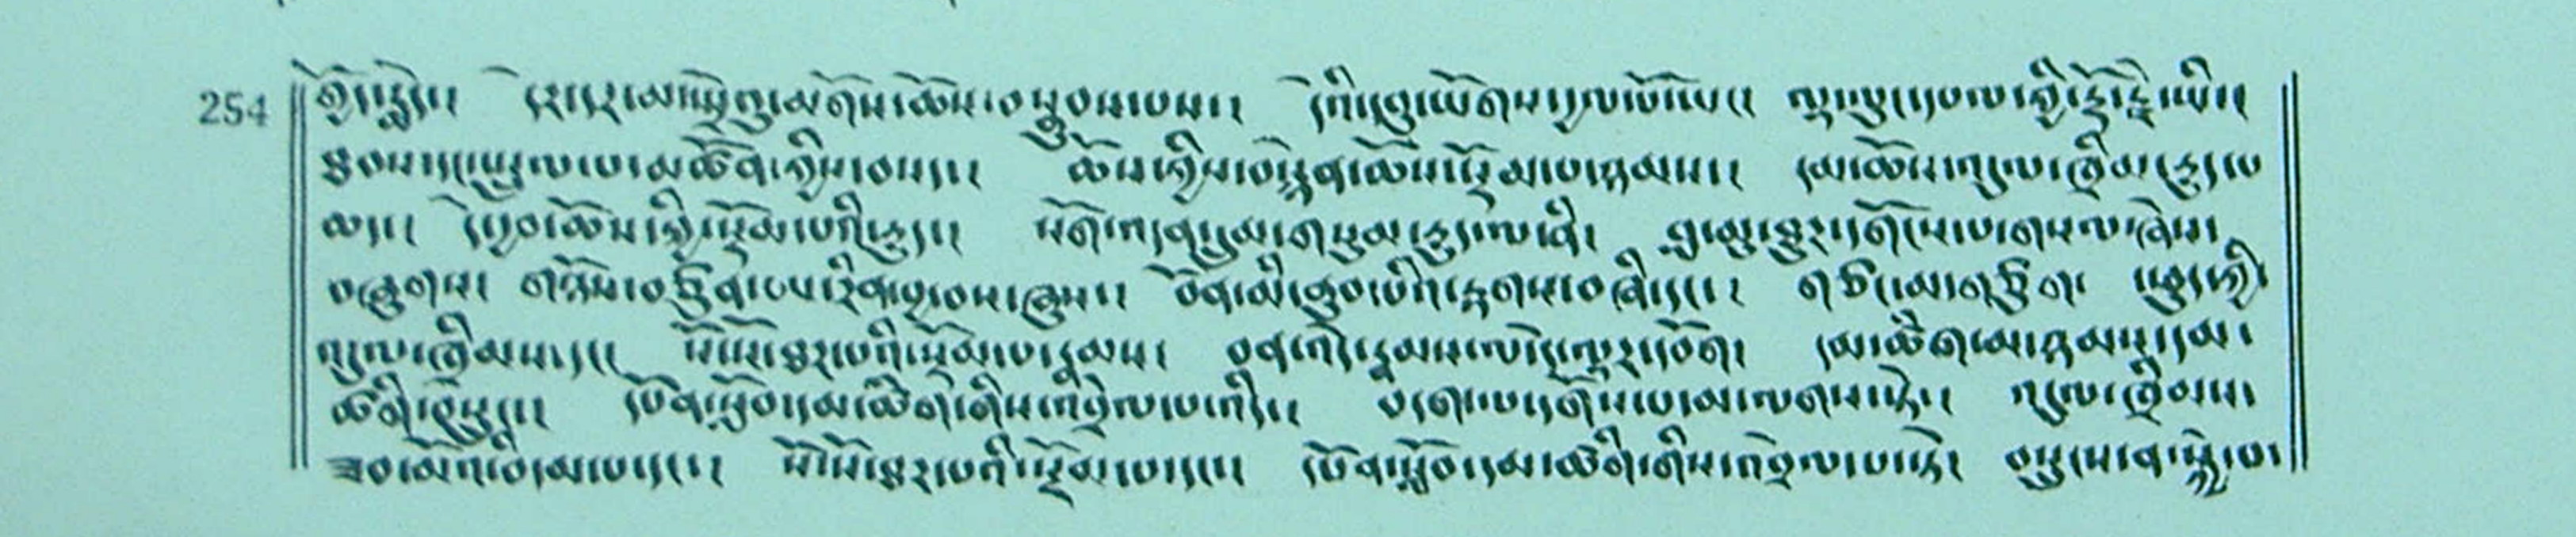གྱོད་རྨེད། དེར་དར་མ་སྤྲེའུ་མགོས་ཆོས་བསྣུབས་པས། དེའི་དབུ་ཡོག་རྒྱལ་བོ་ཡང་། ལྷ་ལུང་དཔལ་གྱི་རྡོ་རྗེ་ཡིས། 
ཐབས་དང་སྤྲུལ་པ་མཚོན་གྱིས་བསད། ཆོས་ཀྱི་བསྙེན་ཆོས་སྡོམ་པ་ཉམས། དམ་ཆོས་འདུལ་ཁྲིམས་རྒྱུད་པ་
ཆད། དེ་རྒྱབ་ཆོས་ཀྱི་སྡོམ་པའི་རྒྱུད། སོག་འདན་དྲུམ་གསུམ་རྒྱུད་ལ་ནི། བླ་མུ་ཐུར་དགོངས་པ་གསལ་ཞེས་
བྱ་བ་བཞུགས། གཉོས་བཙུན་ཨ་རིན་བྱ་བས་ཞུས། བོན་མི་ནུབ་པའི་རྟགས་བཞི་དང་། གཙང་མ་གཙུག་ཕུད་ཀྱི་
འདུལ་ཁྲིམས་དང་། སོ་སོར་ཐར་བའི་སྡོམ་པ་རྣམས། བན་དྷེ་རྣམས་ལ་དེ་ལྟར་དབོག དམ་ཚིག་མ་ཉམས་དམ་
ཚིག་བསྲུངས། དཔོན་སློབ་དམ་ཚིག་གིས་འབྲེལ་བ་འདི། བདག་ལ་དགོས་པ་མ་ལགས་ཏེ། འདུལ་ཁྲིམས་
ཟབ་མོའི་གདམས་པ་དང་། སོ་སོར་ཐར་བའི་སྡོམ་པ་དང་། དཔོན་སློབ་དམ་ཚིག་གིས་འབྲེལ་བ་སྟེ། བསྲུངས་ན་སྐྱེ་བ་